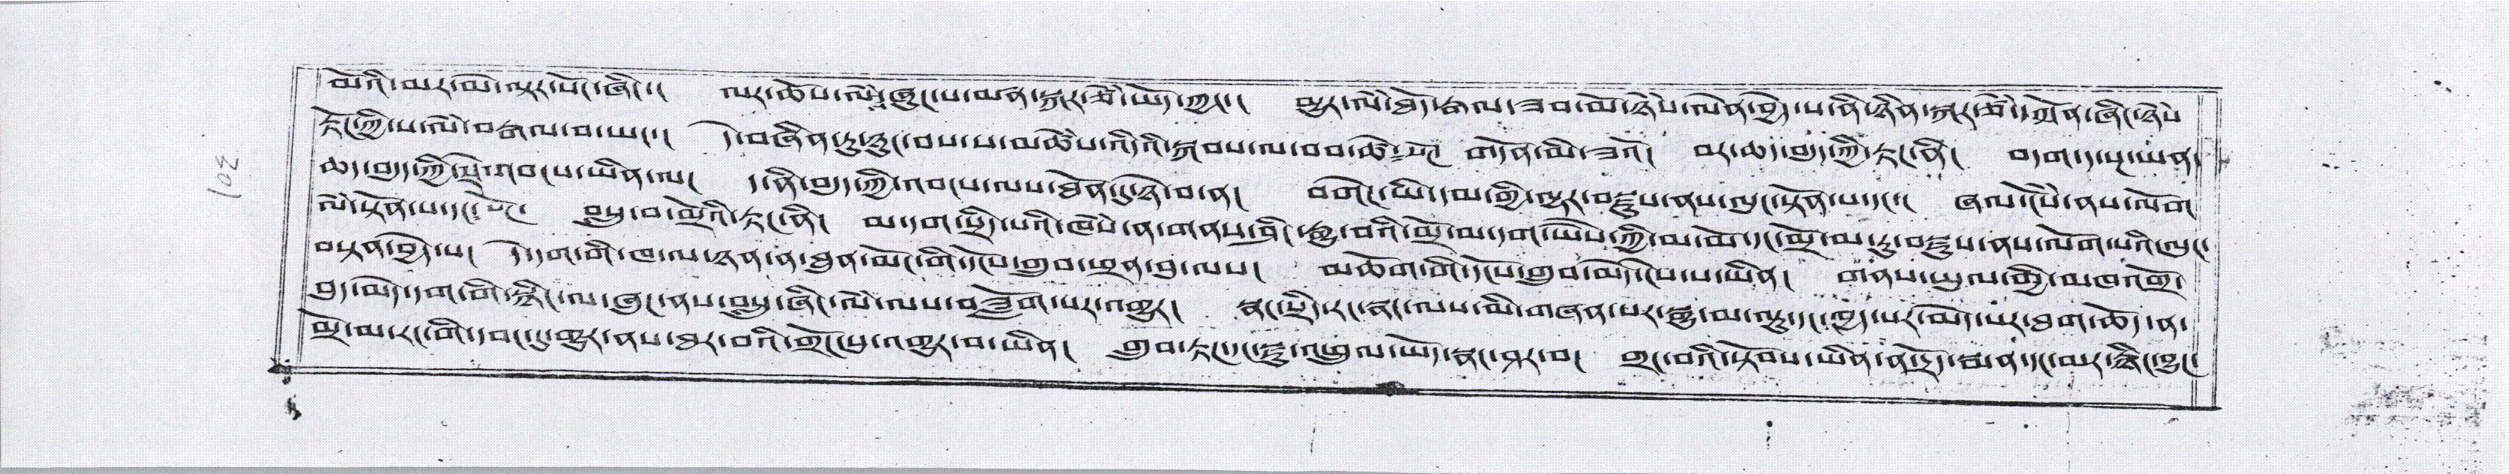མོའི་མར་མེ་ལྟར་སོང་ཞིང། ལར་ཆོས་ལམ་ལ་ཞུགས་པ་མཚན་སྐར་ཙམ་ཡོད་ཀྱང། མྱུར་ལམ་ཐོད་རྒལ་ཟབ་མོ་ཉམས་ལེན་བྱེད་པ་ནི་ཉིན་སྐར་ཙམ་དཀོན་ཞིང་ཉམས་
རྟོགས་ཀྱི་ས་ལམ་བརྒལ་བ་ཡང། དེ་བཞིན་ཏུ་ཉུང་བས་ས་མཚམས་འདིའི་སྐབས་ལ་བབ་ཚེ་སོགས་གདོན་མི་ཟའོ། བར་ཆད་བདུད་ཀྱི་རྟགས་ནི། བདག་ད་སྔ་ཡན་
ཆད་བདུད་ཀྱི་སྡེ་འབངས་ཡིན་ལ། ད་ནི་བདུད་ཀྱི་འབངས་ལས་ཐོན་དུ་ཉེ་བ་ན། བགེགས་ཡི་དམ་གྱི་ལྷར་བརྫུས་ནས་ལུང་སྟོན་པ་དང། ཞལ་ངོམས་ནས་ལོག་
ལམ་སྟོན་པ་དང་སོགས། བསླུ་བ་མཁའ་འགྲོའི་རྟགས་ནི། མ་དག་སྲིད་པའི་ཁམས་ན་གནས་ཤིང་རྒྱུ་བའི་མཁའ་འགྲོ་མ་དག་ཡེ་ཤེས་ཀྱི་མ་མོ་དང་མཁའ་འགྲོ་མ་རུ་བརྫུས་ནས་ལོག་པའི་ལུང་
བསྟན་བྱེད་པ། དེ་དག་གི་ཁ་ལ་ཉན་ན་ཐུན་མོང་གི་དངོས་གྲུབ་ཕྲན་བུ་ལས། མཆོག་གི་དངོས་གྲུབ་མེད་ངེས་པ་ཡིན། གནས་ཡུལ་གྱི་མཁའ་འགྲོ་
བུད་མེད་དག་གི་སྙིང་ལ་ཞུགས་ནས་བསླུ་ཞིང་ལམ་ལས་བཟློག་པར་འགྱུར། སྣང་སྲིད་རང་སྣང་ལས་མི་གཞན་པར་སྒྱུ་མ་ལྟ་བུ་དང་ཁྱད་པར་མེད་པར་ཐག་ཆོད་ན། 
འགྲོ་མ་རང་གི་དབང་དུ་གྱུར་ནས་ཐར་པའི་གྲོགས་སུ་འགྱུར་བ་ཡིན། གྲུབ་རྟགས་དང་རྫུ་འཕྲུལ་ཡོད་སྣང་ཤར་བ། གྲང་བའི་སྟོབས་ཡིན་ན་དྲོད་སྨན་དང་མར་རྙིང་བྱུང་